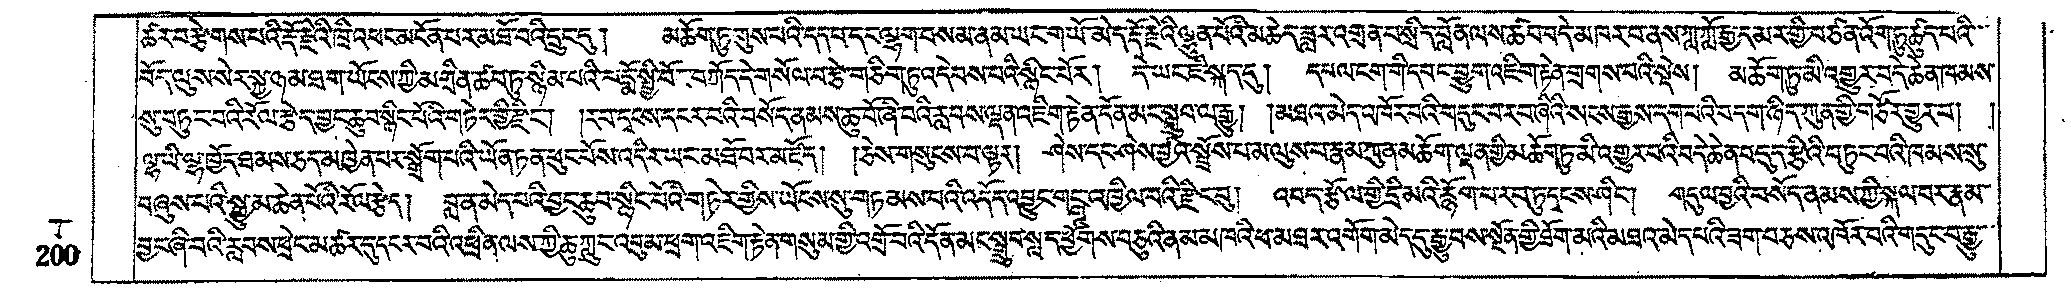ཚར་བརྩེགས་པའི་རྡོ་རྗེའི་ཁྲི་འཕང་མངོན་པར་མཐོ་བའི་དྲུང་དུ། མཆོག་ཏུ་གུས་པའི་དད་པ་དང་ལྷག་བསམ་ནམ་ཡང་གཡོ་མེད་རྡོ་རྗེའི་ལྷུན་པོའི་མཆེད་ཟླར་འགྲན་པ་སྲིད་བློན་ལས་ཚབ་བདེ་མཁར་བ་ནས་ཀླ་ཀློ་རྒྱ་དམར་གྱི་བཙན་འོག་ཏུ་ཚུད་པའི་་་
བོད་ལུས་སེར་སྐྱ་ཉམ་ཐག་ཡོངས་ཀྱི་མགྲིན་ཚབ་ཏུ་སྙིམ་པའི་པདམོ་སྤྱི་བོད་བཀོད་དེ་གསོལ་བ་རྩེ་གཅིག་ཏུ་འདེབས་པའི་སྙིང་པོར། དེ་ཡང་ཇི་སྐད་དུ། དཔལ་ངག་གི་དབང་ཕྱུག་འཇིག་རྟེན་གྲགས་པའི་སྡེས། མཆོག་ཏུ་མི་འགྱུར་བདེ་ཆེན་ཁམས་
སུ་བཏུང་བའི་རོལ་རྩེད་བྱང་ཆུབ་སྙིང་པོའི་གཏེར་གྱི་རྫིང་། །རབ་དྭངས་དངར་བའི་བསོད་ནམས་ཆུ་བོ་ཞི་བའི་རླབས་ལྡན་འཇིག་རྟེན་དོན་མང་སྒྲུབ་ལ་རྒྱུ། །མཐའ་མེད་འཁོར་བའི་གདུང་བ་རབ་ཞིའི་སངས་རྒྱས་དག་པའི་བདག་ཉིད་ཀུན་གྱི་གཙོར་གྱུར་པ། །
ལྷ་ཡི་ལྷ་ཁྱོད་ཐམས་ཅད་མཁྱེན་པར་སྒྲོག་པའི་ཡོན་ཏན་ཕུང་པོས་འདིར་ཡང་མཐོ་བར་མཛོད། །ཅེས་གསུངས་པ་ལྟར། ཤེས་དང་ཤེས་བྱའི་སྤྲོས་པ་མ་ལུས་པ་རྣམ་ཀུན་མཆོག་ལྡན་གྱི་མཆོག་ཏུ་མི་འགྱུར་བའི་བདེ་ཆེན་བདུད་རྩིའི་བཏུང་བའི་ཁམས་སུ་
བཞུས་པའི་སྒྱུ་མ་ཆེན་པོའི་རོལ་རྩེད། བླ་ན་མེད་པའི་བྱང་ཆུབ་སྙིང་པོའི་གཏེར་གྱིས་ཡོངས་སུ་གཏམས་པའི་འདོད་འབྱུང་གངྒཱ་འཁྱིལ་བའི་རྫིང་བུ། འབད་རྩོལ་གྱི་དྲི་མའི་རྙོག་པ་རབ་ཏུ་དྭངས་ཤིང་། གདུལ་བྱའི་བསོད་ནམས་ཀྱི་སྐལ་བར་རྣམ་་་
བྱང་ཞི་བའི་རླབས་ཕྲེང་མཚར་དུ་དངར་བའི་འཕྲིན་ལས་ཀྱི་ཆུ་ཀླུང་འབུམ་ཕྲག་འཇིག་རྟེན་གསུམ་གྱི་འགྲོ་བའི་དོན་མང་སྒྲུབ་སླད་ཕྱོགས་བཅུའི་ནམ་མཁའི་ཕ་མཐར་འགོག་མེད་དུ་རྒྱུ་བས་སྔོན་གྱི་ཐོག་མའི་མཐའ་མེད་པའི་ཟག་བཅས་འཁོར་བའི་གདུང་བ་རྒྱུ་་་